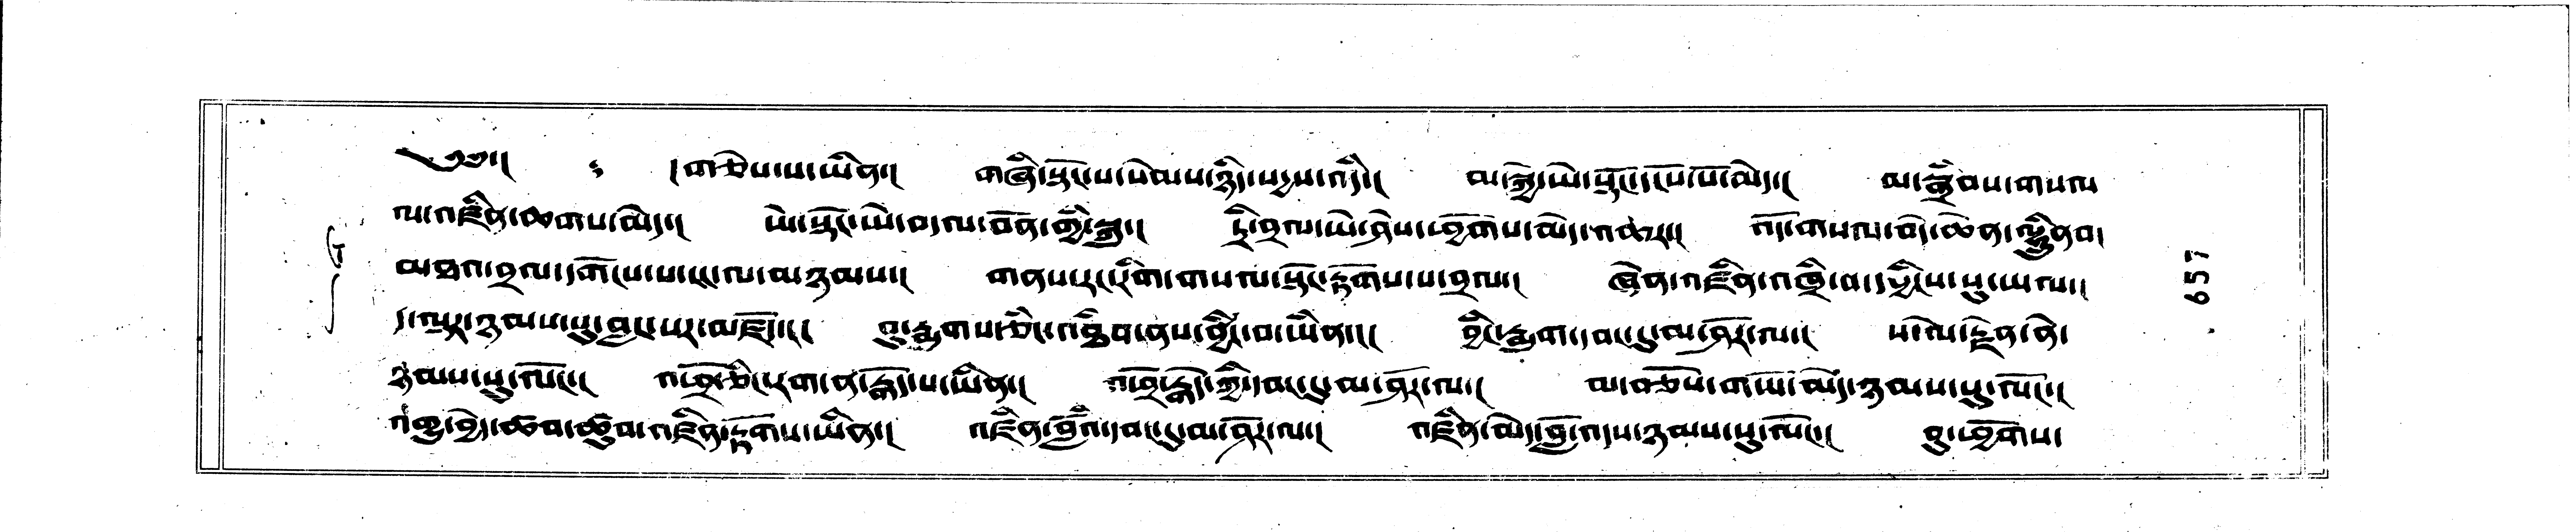གཅེས་པ་ཡིན། གཞི་སྟོང་སེམས་ཉིད་སངས་རྒྱས་ཡིན། མ་སྐྱེས་ཡེ་སྟོང་རྔོས་(དངོས)པོ་མེད། མ་བསྒྲིབས་གསལ་
ལ་འཛིན་མེད་རྟོགས། ཡེ་སྟོང་ཡེ་བདལ་བོན་གྱི་སྐུ། དྲི་བྲལ་ཡེ་ཤེས་ཕྱོག་མེད་འཆར། འོད་གསལ་བདེ་ཆེན་ལྷུན་གྱིས་གྲུབ། 
མཐའ་བྲལ་དགོངས་པ་ངང་ལ་གནས། རང་རིག་གསལ་སྟོང་འཛིན་རྟོག་བྲལ། ཞེན་འཛིན་འཁྲི་བ་དབྱིངས་སུ་ཡལ། 
དེ་ལྟར་ཉམས་སུ་ལེན་པར་མཛོད། བུ་རྨུག་ཅིང་ཐིབ་ན་བྱིང་བ་ཡིན། བྱིང་རྨུག་གིས་དབང་དུ་མ་ཤོར་ལ། སལེ་རྗེན་ནེ་
ཉམས་སུ་ལོངས། འཕྲོས་ཤིང་རག་ན་རྒོད་པ་ཡིན། འཕྲོ་རྒོད་ཀྱི་དབང་དུ་མ་ཤོར་ལ། མ་བཅོས་གཡོ་མེད་ཉམས་སུ་ལོང་། 
འགྱུ་བྱེད་ཚབ་ཚུབ་འཛིན་རྟོག་ཡིན། འཛིན་བློའི་དབང་དུ་མ་ཤོར་ལ། འཛིན་མེད་བློ་དྷས་(འདས)་ཉམས་སུ་ལོང་། བུ་ཕྱོགས་